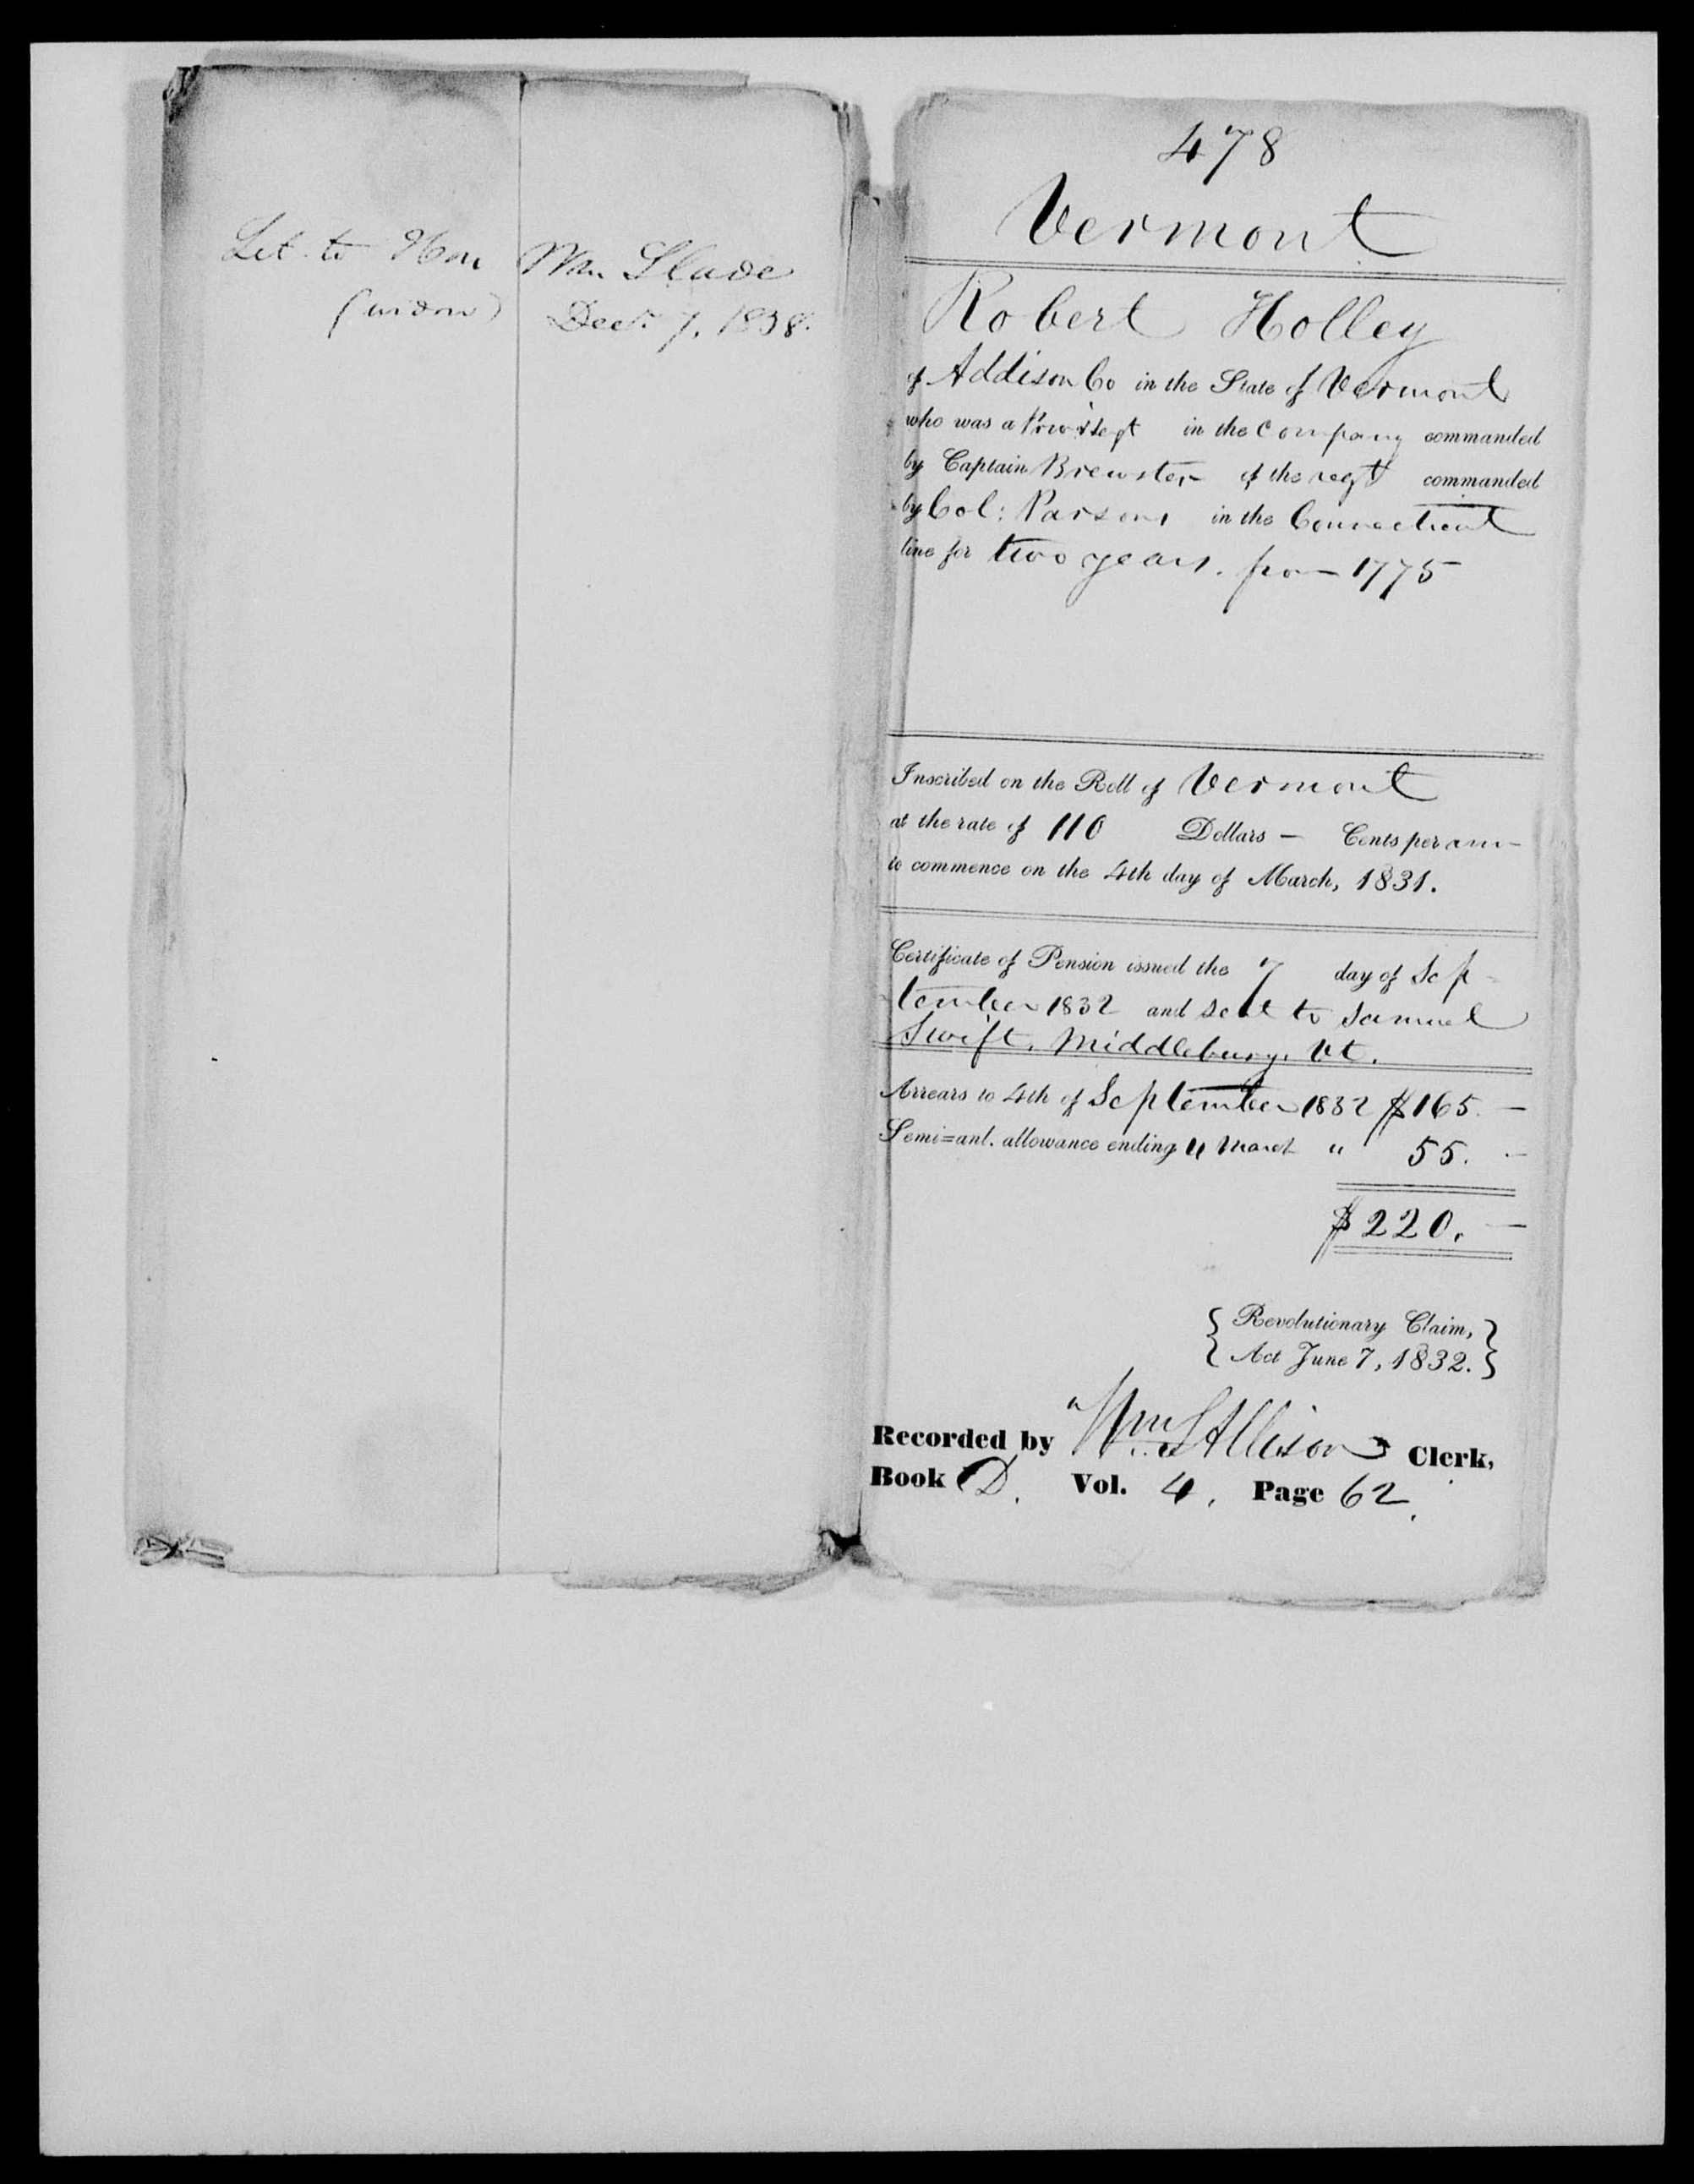478
Vermont
Robert Holly
of Addison Co in the State of Vermont who was a private in the company commanded by Captain Brewster of the regt commanded by Col Parsons in the Connecticut line for two years from 1775.

Inscribed on the Roll of Vermont at the rate of 110 Dollars - Cents per annum to commence on the 4th day of March, 1831.

Certificate of Pension issued the 7 day of September 1832 and sent to Samuel Swift, Middlebury, Vt.

Arrears to 4th of September 1832  $165
Semi-annl. allowance ending 4 March 
"   55
 ----------------------
  $220.

{Revolutionary Claim, Act June 7th, 1832}

Recorded by Wm S Allison Clerk, Book D, Vol. 4, Page 62


Let to Hon Wm Slade
[illegible] Dec 7 1838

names: Brewster, Wm Slade, Parsons, Samuel Swift, Wm S Allison, Robert Holley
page: 2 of 62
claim: widow's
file: W. 21391, Robert Holley, Conn.